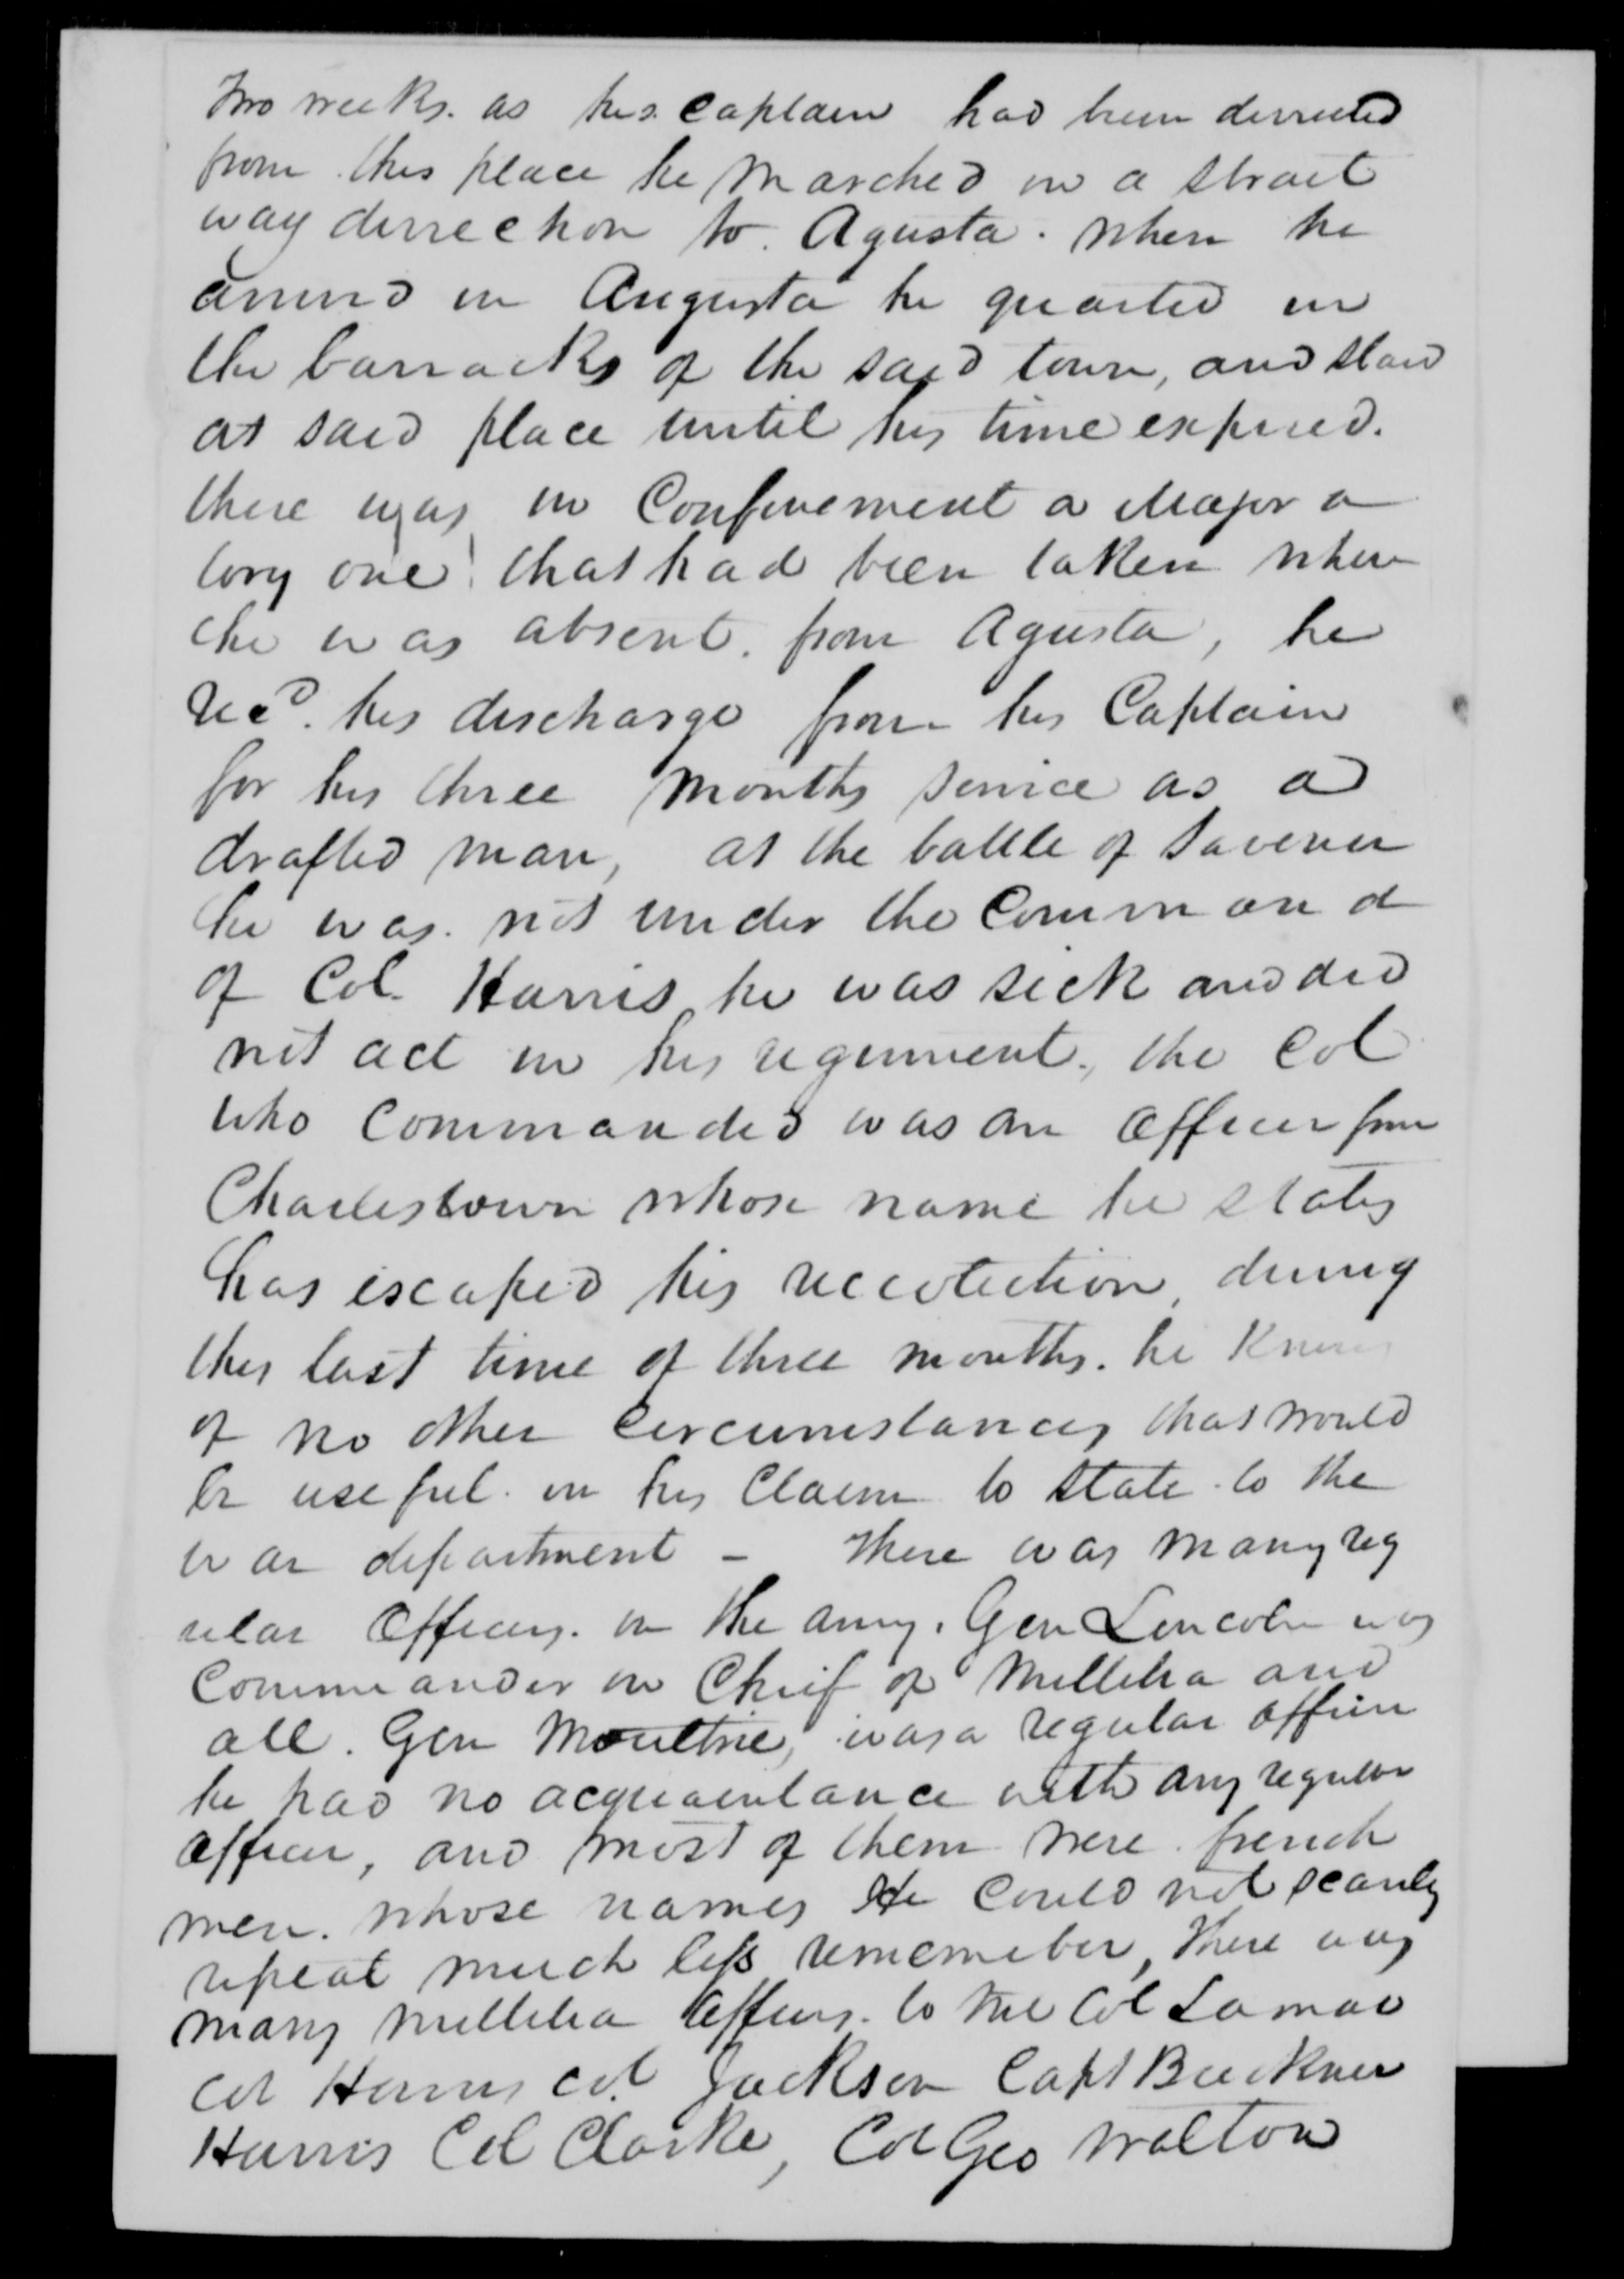two weeks as his captain had been directed from this place he marched in a straight way direction to Augusta when he arrived in Augusta he quartered in the barracks of the said town and stand at said place until his time expired. there was in confinement a Major, a Tory one that had been taken when he was absent from Augusta, he rec'd his discharge from his Captain for his three months service as a drafted man, at the battle of Savanah he was not under the Command of Col. Harris , he was sick and did not act in his regiment the Col. who commanded was an officer from Charleston whose name he states has escaped his recollection, during the last time of three months . he knows of of no other circumstances that would be useful in his claim to state to the War Department - there was many regular officers in the army . General Lincoln was Commander in Chief of Militia and all . Gen Moultrie was a regular officer he had no acquaintance with any regular officer, and most of them were french men whose names he could not easily repeat much less remember, Thee was many Militia officers to  wit Col. Lamar, Col. Harris, Col. Jackson, Capt. Buckner Harris, Col. Clark, Col. Geo Walton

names: Clarke, Jackson, Geo Walton, Lomac, Harris, Buckner Harris, Lincoln, Moultrie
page: 26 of 100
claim: widow's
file: W. 6437, Richard Wells, Ga Va.